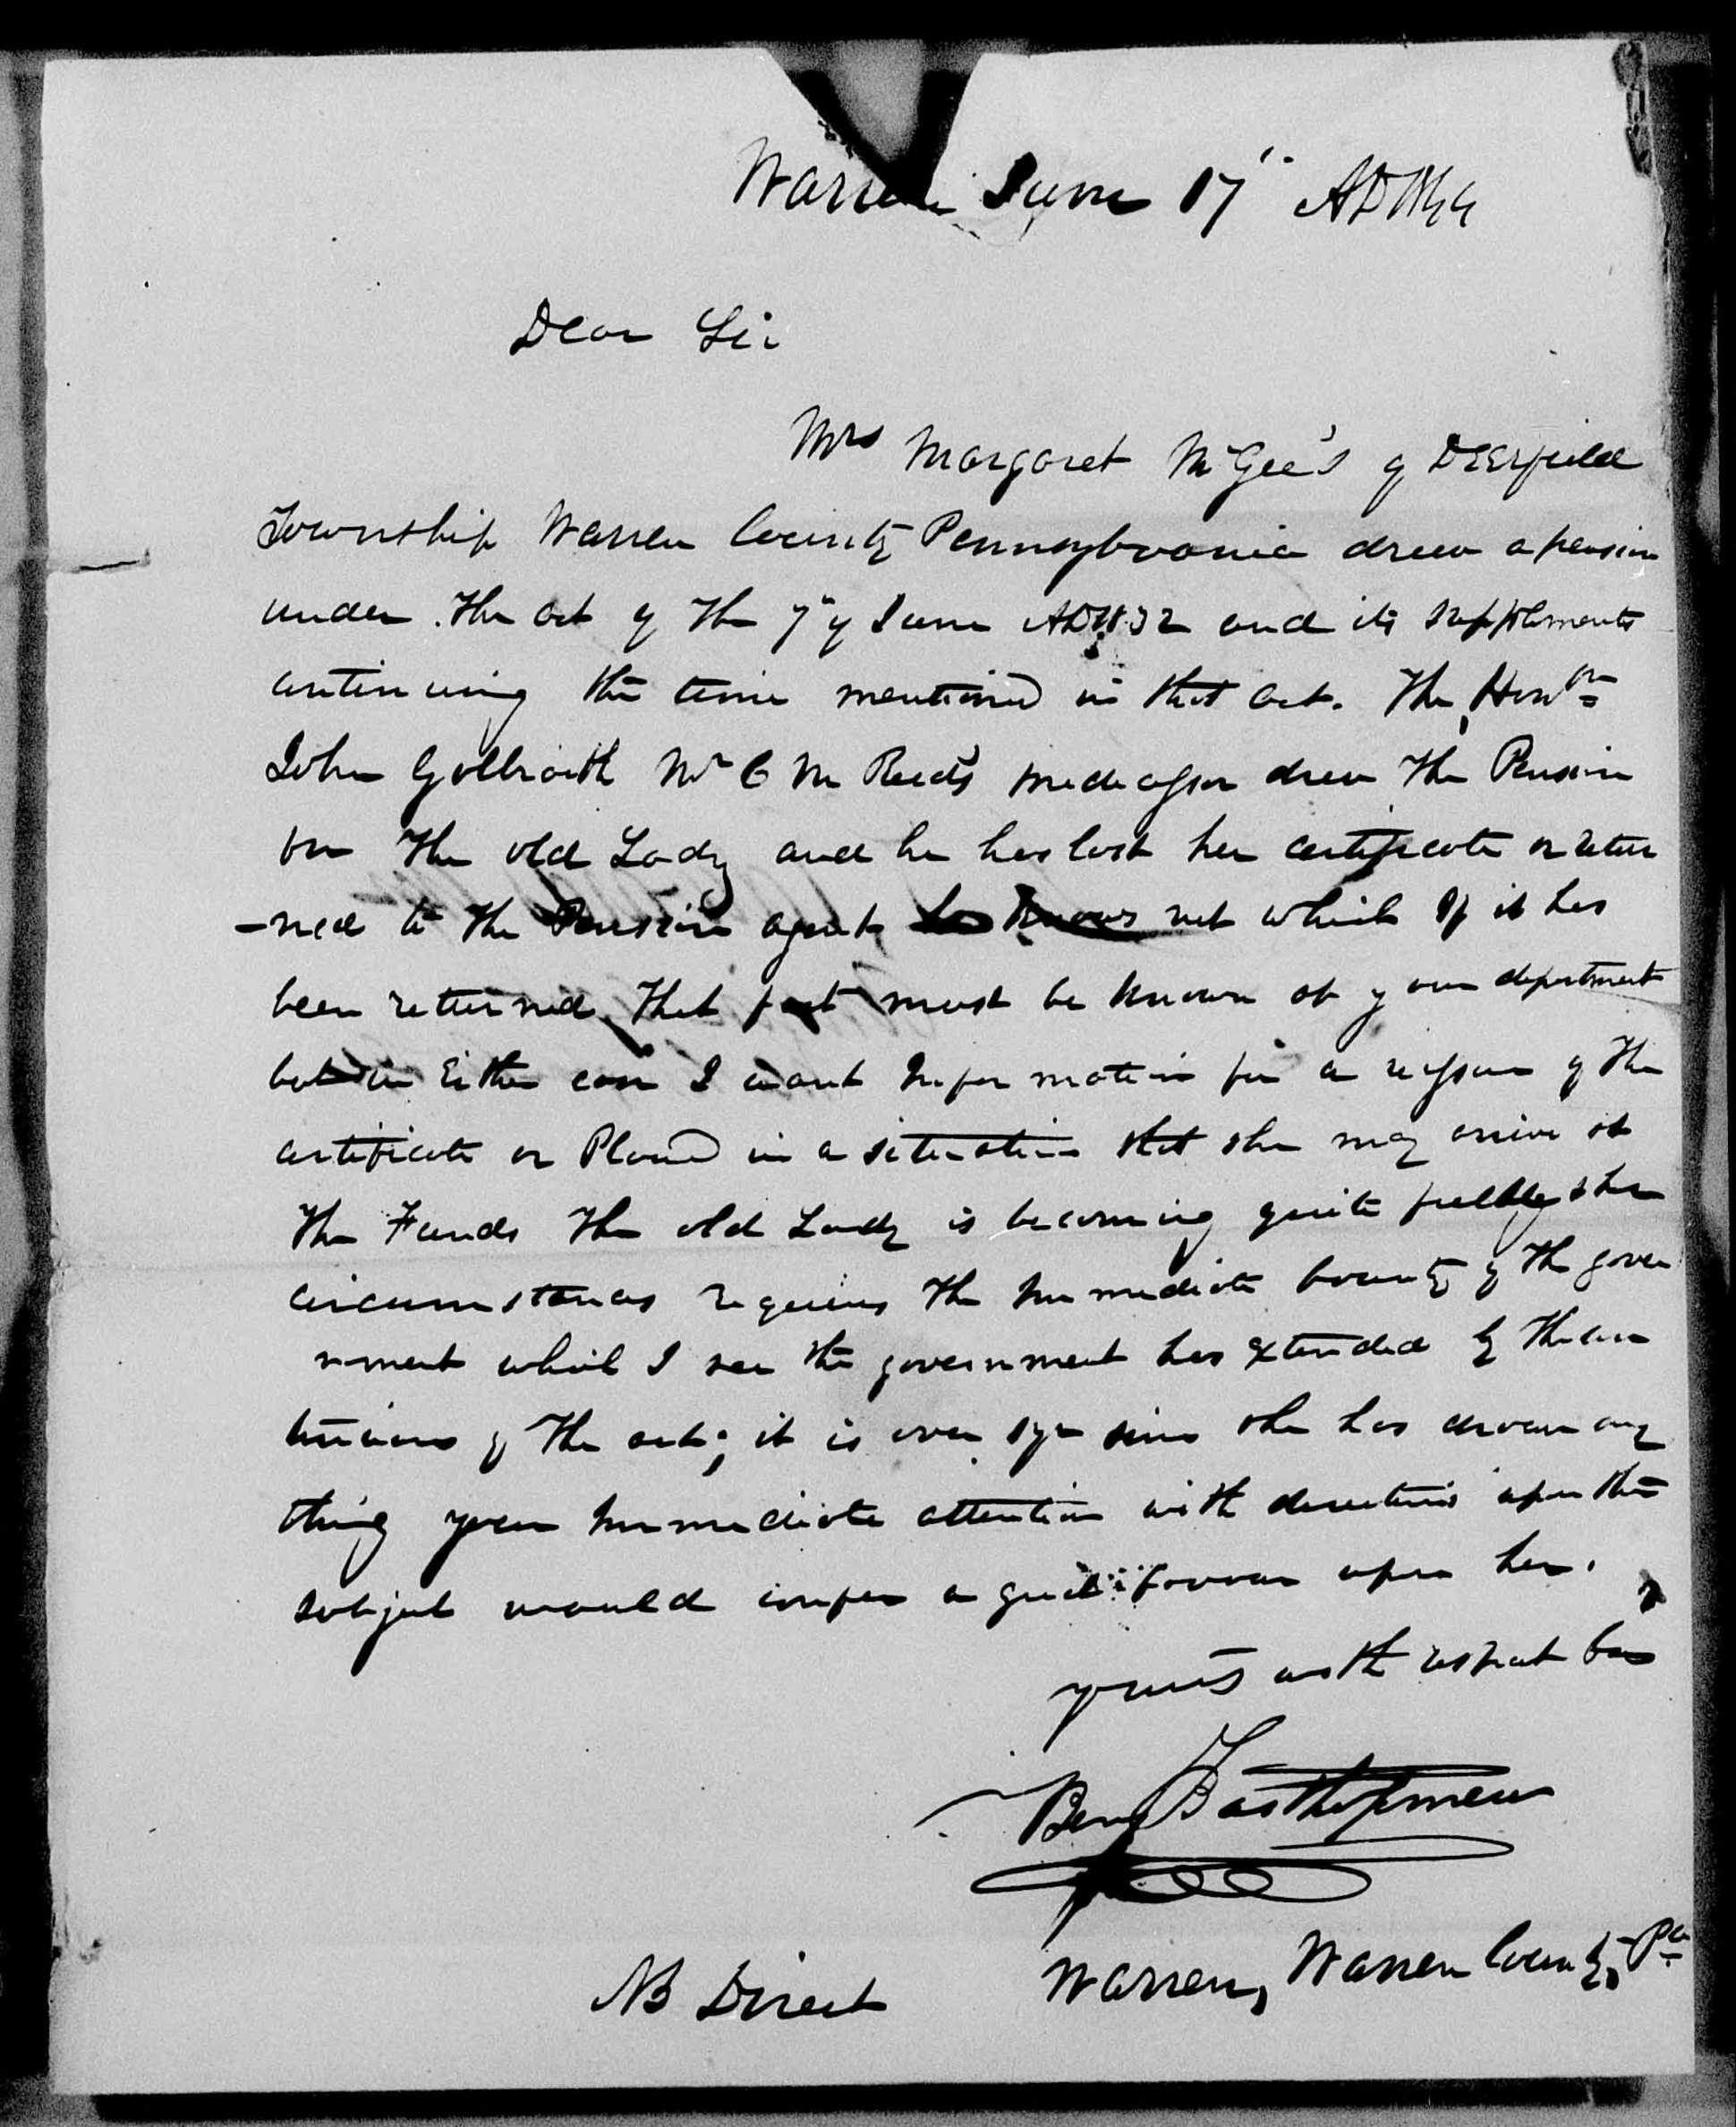Warren  June  17 AD 1844

Dear Sir

Mrs. Margaret McGee's of Deerfield
Township Warren County Pennsylvania drew a pension under the act of the 7th of June AD 1832 and its supplement continuing the time mentioned in that act. The Hon John Galbraith Mr C M Reedy made often drew the Pension
on the old Lady and he her lost her certificate returned to the Pension agent  or knows not which    If it has been returned That it must be known of your department but  in either case I want information for a replace of the
certificate or placed in a situation that she may receive  it the funds  the old Lady is becoming quite feeble &  the circumstances requires the immediate bounty of the government which I see the government has extended & the continuance of  the act, it is now 1 year since she has drawn any thing   your immediate attention with direction upon the subject would infer a great favor upon her


Yours with respect
-
Ben T Basthssmen(?)
Warren, Warren Count

B Direct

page: 46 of 77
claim: widow's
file: W 2954, for James Mc Gee, Delaware